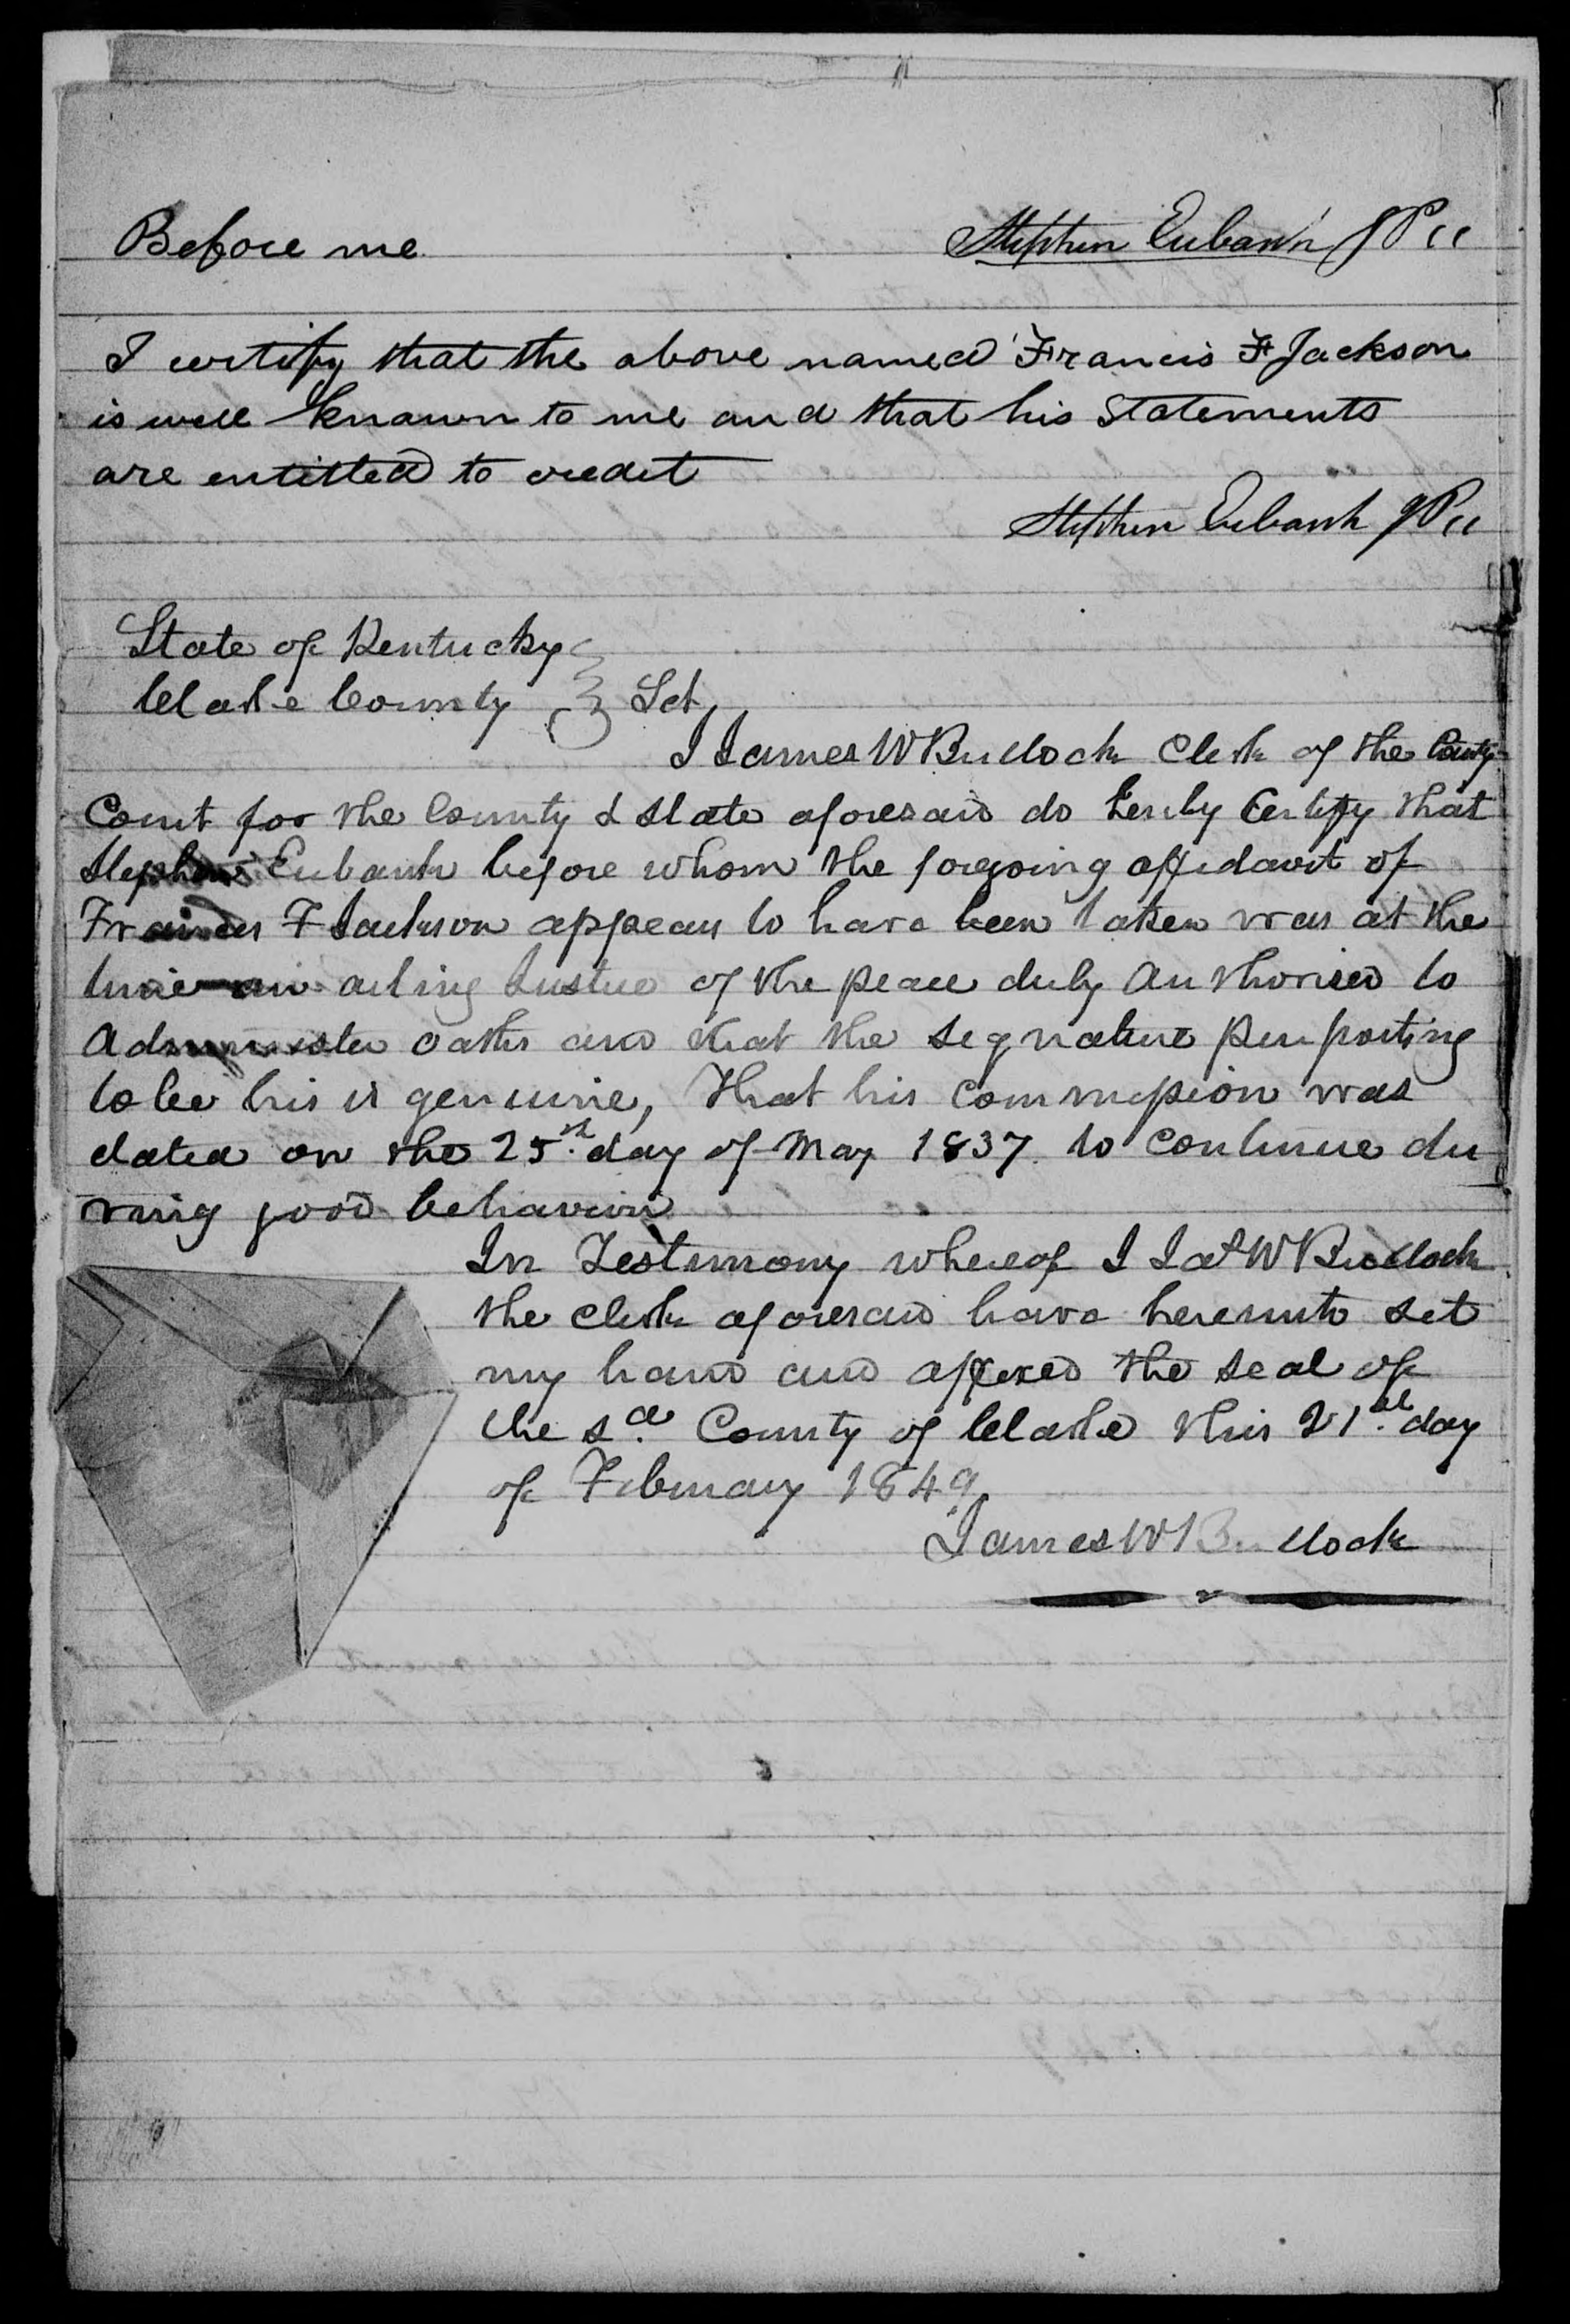Before me
Stephen Eubank J Pce
I certify that the above named Francis F. Jackson is well known to me and that his statements
are entitled to credit
Stephen Eubank JPce
State of Kentucky
Clarke County Sct
I James W Bullock Clerk of the County
Court for the County & State aforesaid do hereby certify that Stephen Eubank before whom the foregoing affidavit of Frances F. Jackson appears to have been taken was at the
time an acting Justice of the peace duly authorised to administer oaths and that the signature purporting to be his is genuine, that his commission was dated on the 25th day of May 1837. to continue during good behavior
In Testimony whereof I Jas W Bullock
the Clerk aforesaid have hereunto set
my hand and affixed the seal of
the sd County of Clarke this 21st day
of February 1849 James W Bullock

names: Stephen Eubank, James W Bullock, James W Bullock, Stephen Eubank, Jas W Bullock, Francis F Jackson, Frances F Jackson, Stephen Eubank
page: 46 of 84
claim: widow's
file: W. 7744, Daniel Hickey, Penn.